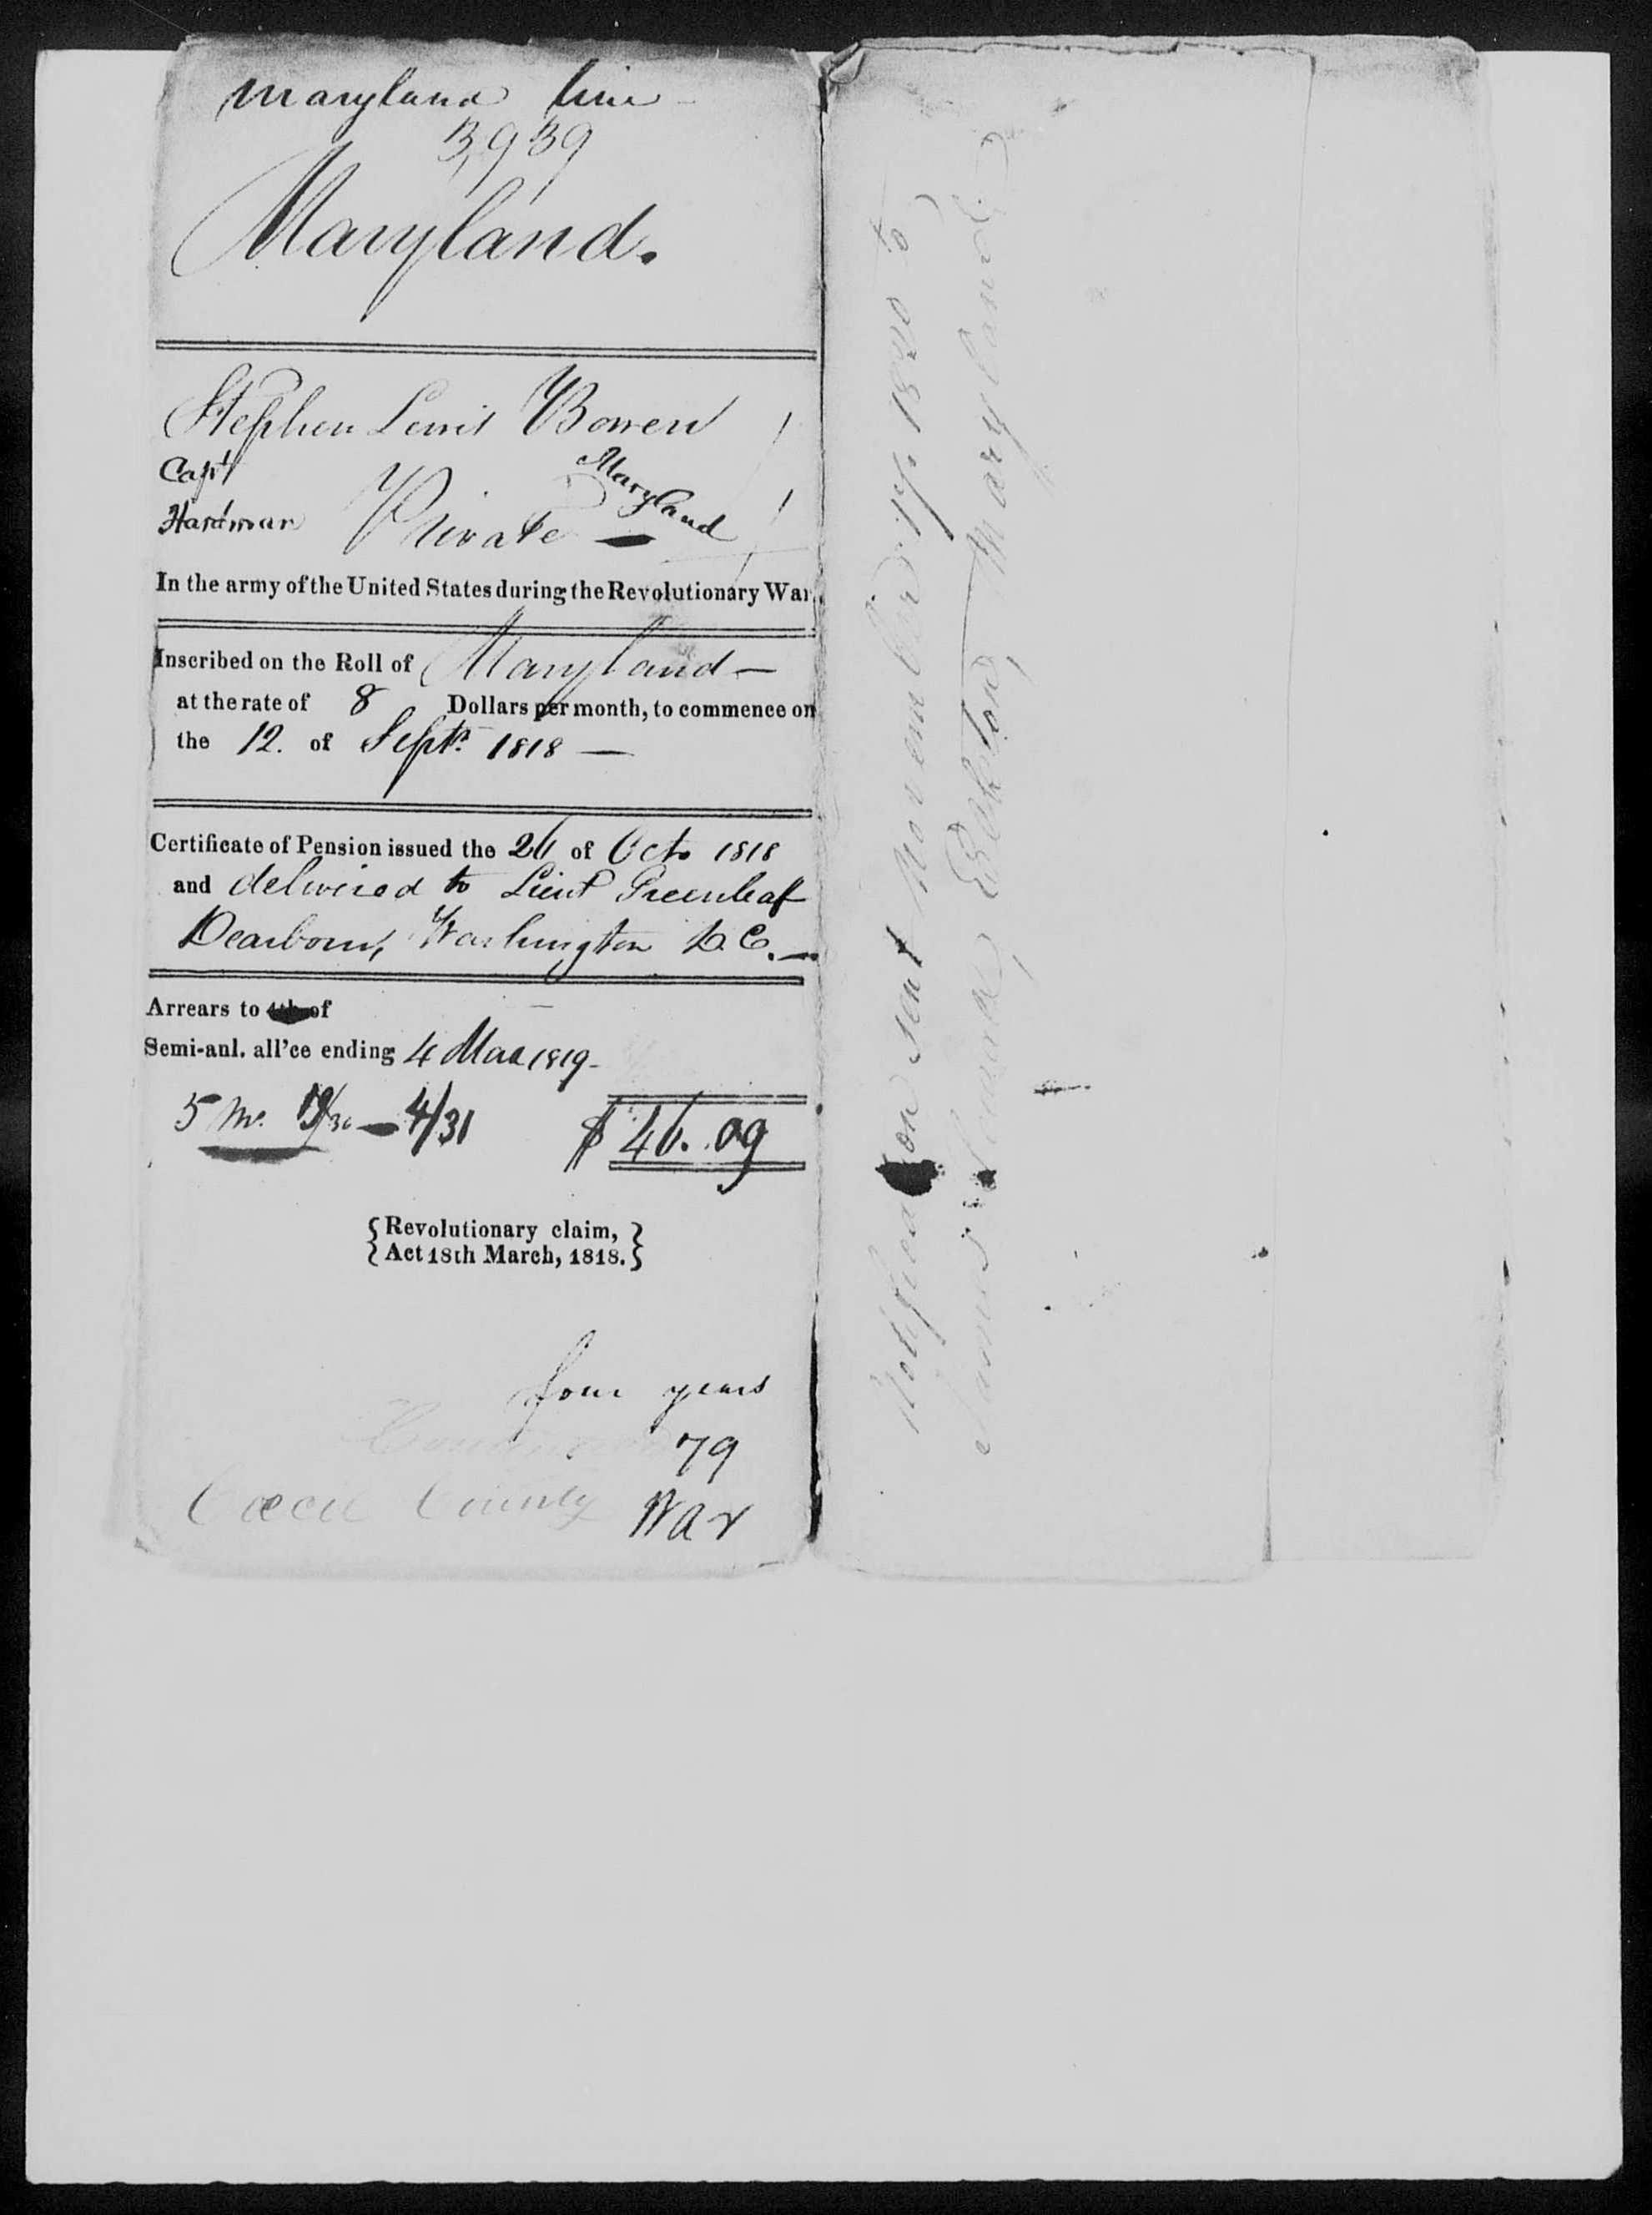Maryland line
3,939
Maryland
Stephen Lewis Bowen
Capt
Hardman Private Maryland
In the army of the United States during the Revolutionary War
Inscribed on the Roll of Maryland
at the rate of 8 dollars per month, to commence on
the 12. of Sept 1818-
Certificate of Pension issued the 26 of Oct 1818
and delivered to Lieut Greenleaf
Dearborn, Washington D.C.
Arrears to 4th [crossed out] of 
Semi-anl. all'ce ending 4 Mar 1819-
5 M. 19/36 - 4/31  $46.09

{Revolutionary claim,
Act 18th March, 1818.}

four years
[illegible] 79
Cecil Country Mar

Notification sent November 17, 1920 to, 
James Seward, Elkton, Maryland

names: Stephen Lewis Bowen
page: 3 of 11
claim: survivor's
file: S. 34,661, Stephen Lewis Bowen, Md.